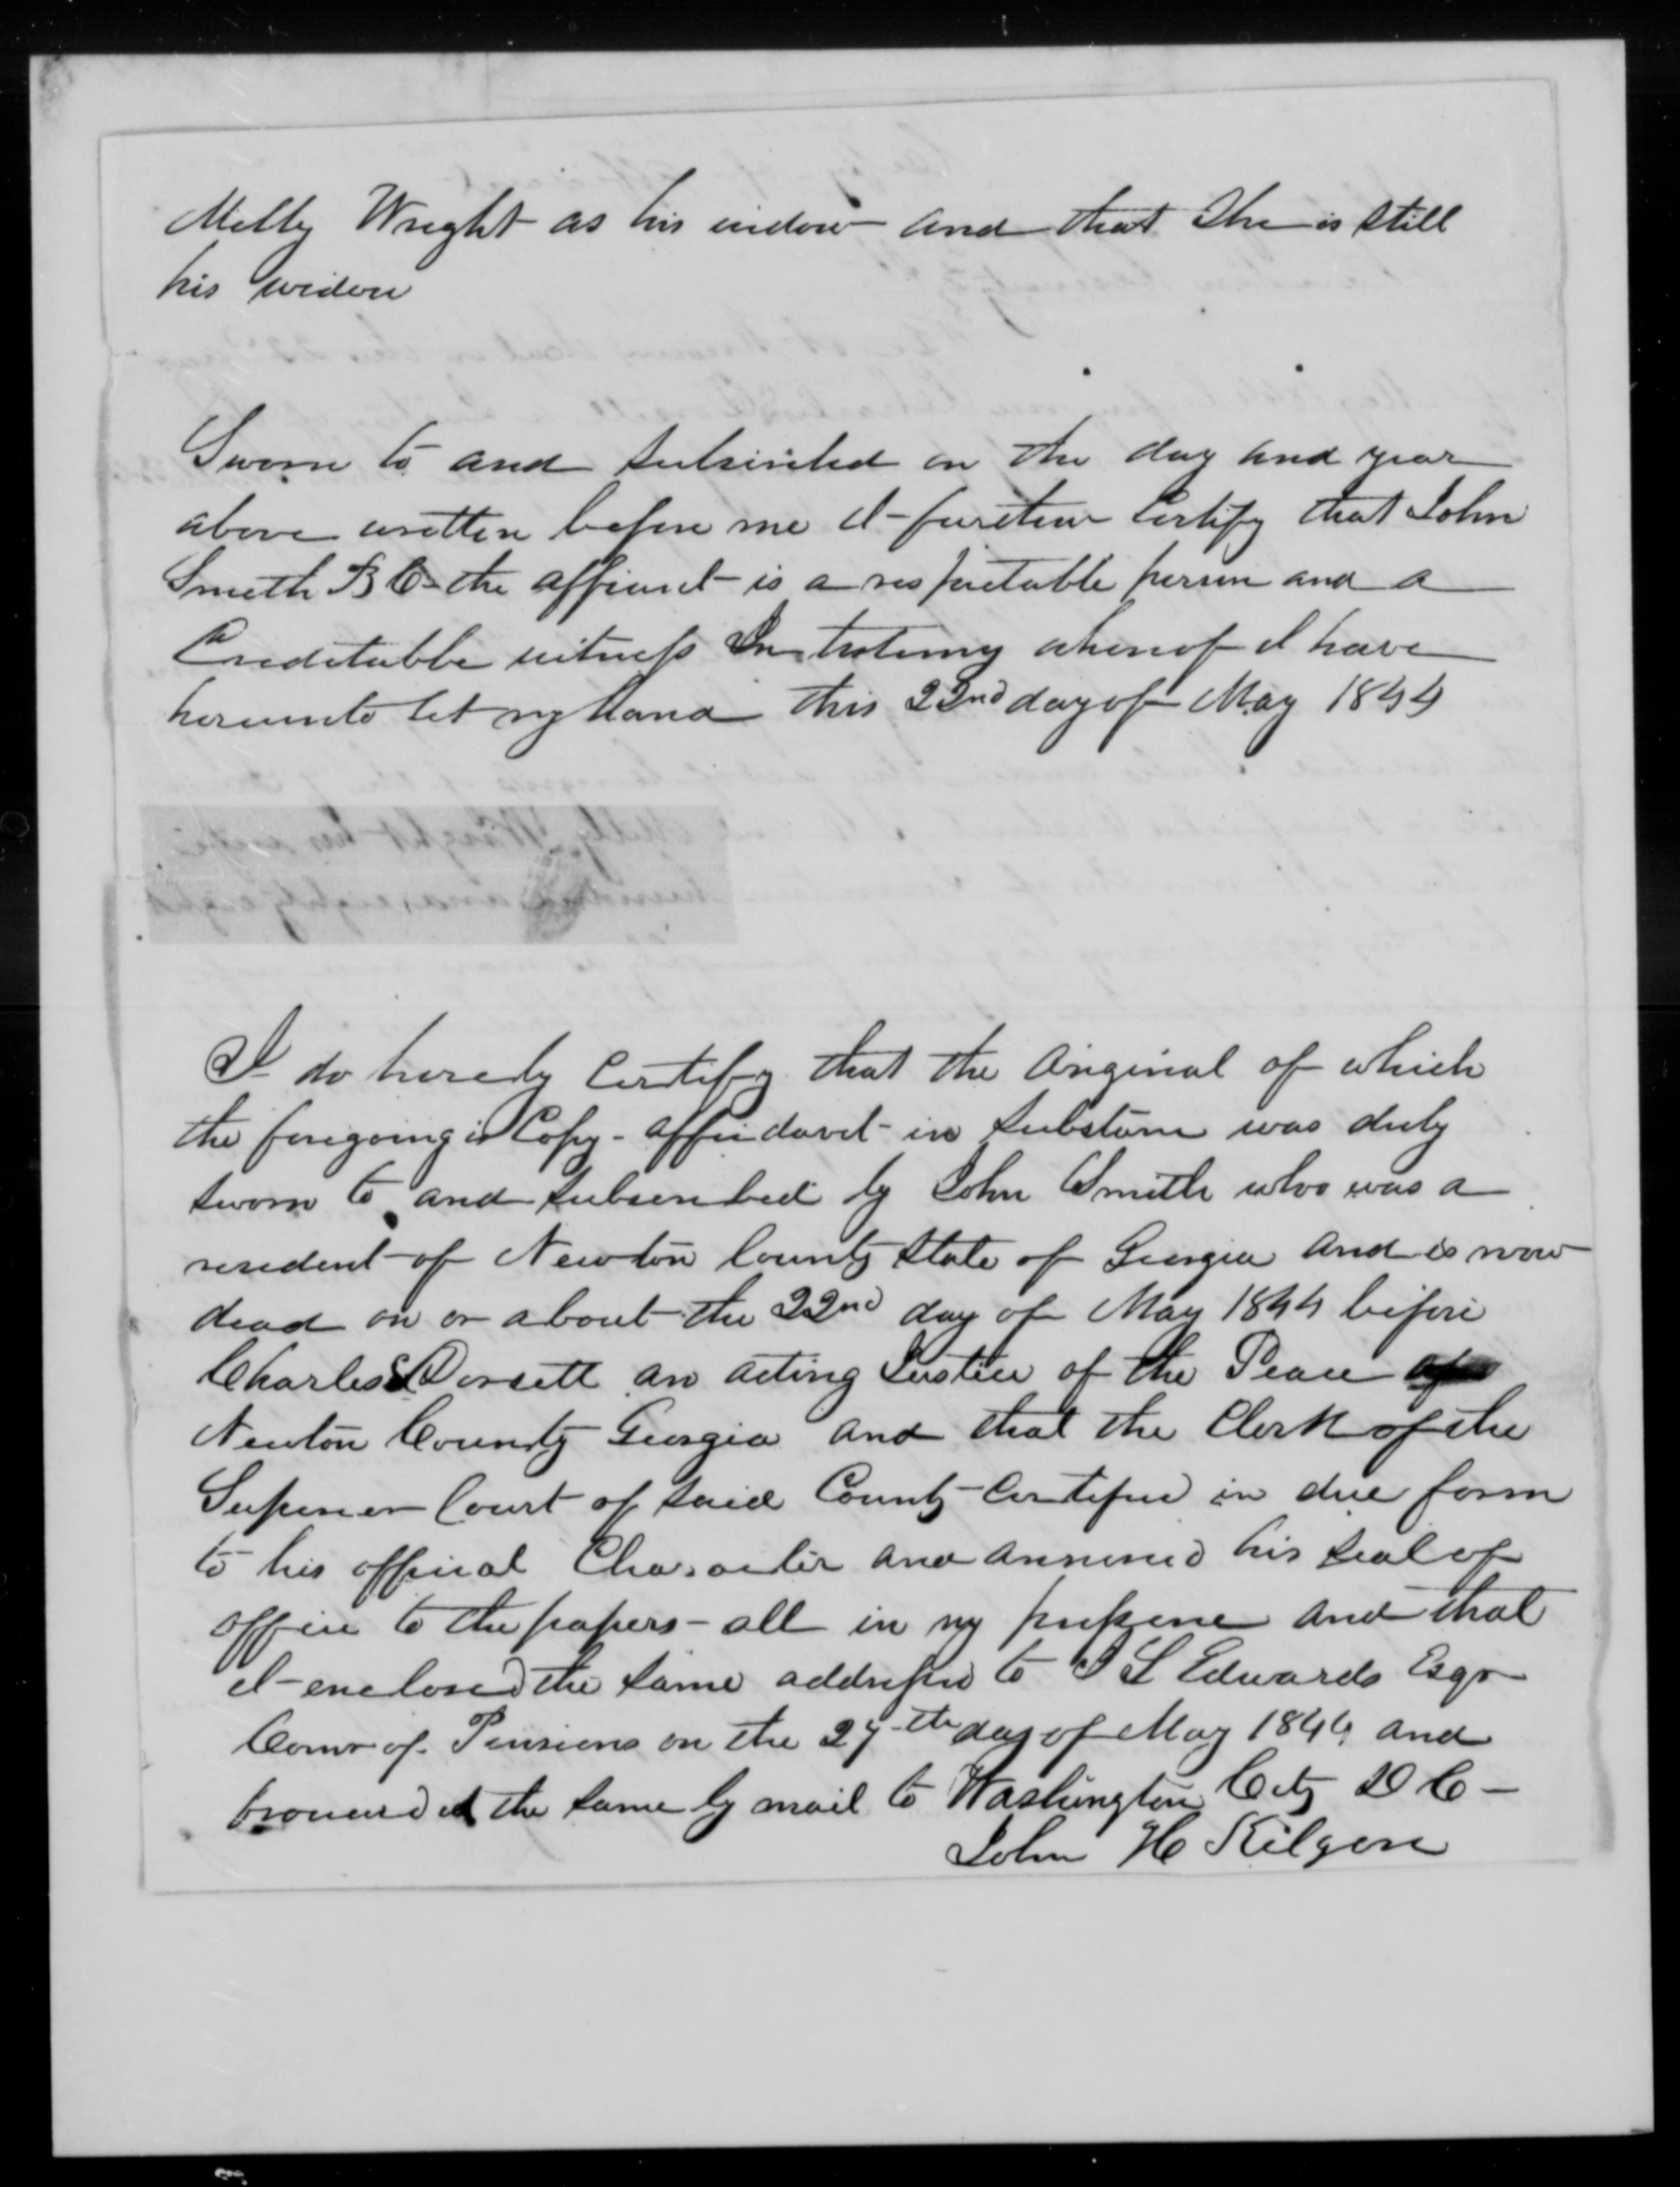Milly Wright as his widow and that she is still his widow

Sworn to and Subscribed on the day and year above written before me I further certify that John Smith the affiant - is a respectable person and creditable witness [illegible] where I have hereunto set my name this 22nd day of May 1844

I do hereby certify that the original of which the foregoing copy affidavit in substance was duly sworn to and subscribed by John Smith who was a resident of Newton County State of Georgia and is now dead on or about the 22nd day of May 1844  before Charles S. Dorsett an Acting Justice of the Peace Newton County Georgia and that the Clerk of the Supreme County of said County Certifies in due form to his official Charter and [illegible] his seal of office to the papers - all in my presence and that I enclosed this same [illegible] to J L Edwards Esq Comm of Pensions on the 27th day of May 1844 and forwarded the same by mail to Washington City DC - John H. Kilgore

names: Milly Wright, John Smith, J L Edwards, John H Kilgore, Charles S Dorsett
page: 41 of 81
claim: widow's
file: W. 5183, Bolling Wright, Va.